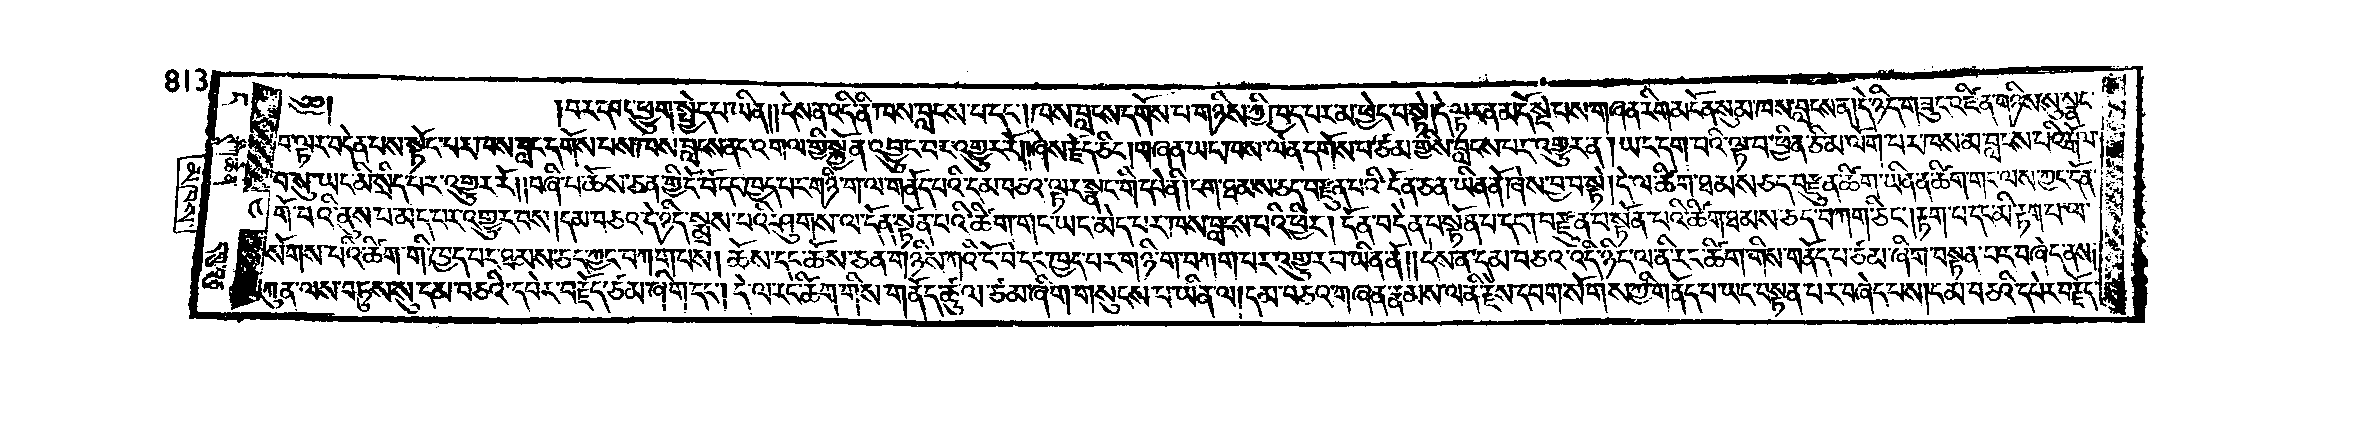༄༅། །བར་དབང་ཕྱུག་སྤྱོད་པ་ཡིན། །དེས་ན་འདི་ནི་ཁས་བླངས་པ་དང་། ཁས་བླངས་དགོས་པ་གཉིས་ཀྱི་ཁྱད་པར་མ་ཕྱེད་པ་སྟེ། དེ་ལྟར་ན་མདོ་སྡེ་པས་གཞན་རིག་མངོན་སུམ་ཁས་བླངས་ན། དེ་ཉིད་གཟུང་འཛིན་གཉིས་སུ་སྣང་
བ་ལྟར་བདེན་པས་སྟོང་པར་ཁས་བླང་དགོས་པས་ཁས་བླངས་ནང་འགལ་གྱི་སྐྱོན་འབྱུང་བར་འགྱུར་རོ། །ཞེས་རྗོད་ཅིང་། གཞན་ཡང་ཁས་ལེན་དགོས་པ་ཙམ་གྱིས་བླངས་པར་འགྱུར་ན། ཡང་དག་པའི་ལྟ་བ་ཕྱིན་ཅི་མ་ལོག་པར་ཁས་མ་བླངས་པའི་རྒོལ་
བ་སུ་ཡང་མི་སྲིད་པར་འགྱུར་རོ། །བཞི་བ་ཆོས་ཅན་གྱི་ངོ་བོ་དང་ཁྱད་པར་གཉི་ག་ལ་གནོད་པའི་དམ་བཅའ་ལྟར་སྣང་གི་དཔེ་ནི། ངག་ཐམས་ཅད་བརྫུན་པའི་དོན་ཅན་ཡིན་ནོ་ཞེས་བྱ་བ་སྟེ། དེ་ལ་ཚིག་ཐམས་ཅད་བརྫུན་ཚིག་ཡིན་ན་ཚིག་གང་ལས་ཀྱང་དོན་
གོ་བའི་ནུས་པ་མེད་པར་འགྱུར་བས། དམ་བཅའ་དེ་ཉིད་སྨྲས་པའི་ཤུགས་ལ་དོན་སྟོན་པའི་ཚིག་གང་ཡང་མེད་པར་ཁས་བླངས་པའི་ཕྱིར། དོན་བདེན་པ་སྟོན་པ་དང་། བརྫུན་པ་སྟོན་པའི་ཚིག་ཐམས་ཅད་བཀག་ཅིང་། རྟག་པ་དང་མི་རྟག་པ་ལ་
སོགས་པའི་ཚིག་གི་ཁྱད་པར་ཐམས་ཅད་ཀྱང་བཀག་པས། ཆོས་དང་ཆོས་ཅན་གཉིས་ཀའི་ངོ་བོ་དང་ཁྱད་པར་གཉི་ག་བཀག་པར་འགྱུར་བ་ཡིན་ནོ། །དེས་ན་དམ་བཅའ་འདི་ཉིད་ལ་ནི་རང་ཚིག་གིས་གནོད་པ་ཙམ་ཞིག་བསྟན་པར་བཞེད་ནས་
ཀུན་ལས་བཏུས་སུ་དམ་བཅའི་དཔེར་བརྗོད་ཙམ་ཞིག་དང་། དེ་ལ་རང་ཚིག་གིས་གནོད་ཚུལ་ཙམ་ཞིག་གསུངས་པ་ཡིན་ལ། དམ་བཅའ་གཞན་རྣམས་ལ་ནི་རྗེས་དཔག་སོགས་ཀྱི་གནོད་པ་ཡང་བསྟན་པར་བཞེད་པས། དམ་བཅའི་དཔེར་བརྗོད་